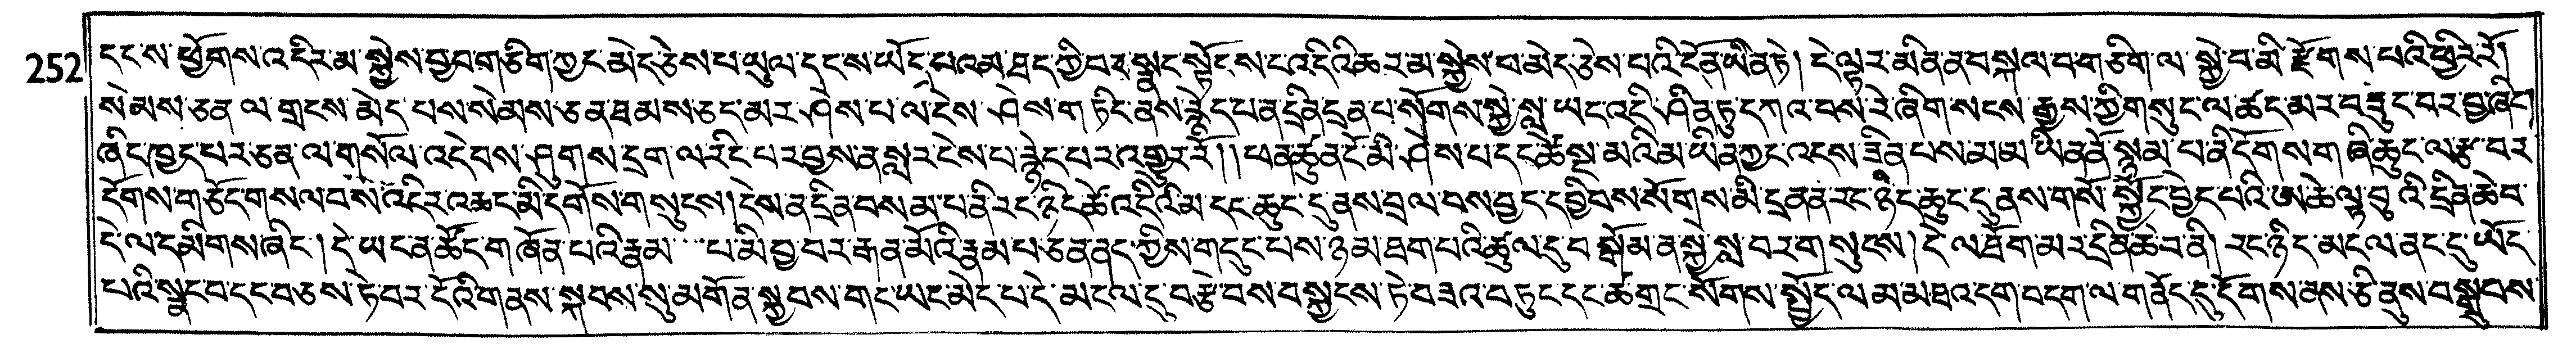དང་ས་ཕྱོགས་འདིར་མ་སྐྱེས་བྱ་བ་གཅིག་ཀྱང་མེད་ཅེས་པ་ཡུལ་དང་ས་ཡོད་པའམ་ཐད་ཀྱི་བར་སྣང་སྟོངས་ང་འདིའི་ཆར་མ་སྐྱེས་པ་མེད་ཅེས་པའི་དོན་ཡིན་ཏེ། དེ་ལྟར་མིན་ན་བསྐལ་བ་གཅིག་ལ་སྐྱེ་བ་མི་རྫོགས་པའི་ཕྱིར་རོ།
སེམས་ཅན་ལ་གྲངས་མེད་པས་སེམས་ཅན་ཐམས་ཅད་མར་ཤེས་པ་ལ་ངེས་ཤེས་གཏིང་ནས་རྙེད་པ་ན་དྲིན་དྲན་པ་སོགས་སྐྱེ་སླ་ཡང་འདི་ཤིན་ཏུ་དཀའ་བས་རེ་ཞིག་སངས་རྒྱས་ཀྱི་གསུང་ལ་ཚད་མར་བཟུང་བར་བྱ་ཞིང་།
ཞིང་ཁྱད་པར་ཅན་ལ་གསོལ་འདེབས་ཤུགས་དྲག་ལ་རིང་པར་བྱས་ན་སླར་ངེས་པ་རྙེད་པར་འགྱུར་རོ། །ཕན་ཚུན་ངོ་མི་ཤེས་པ་དང་ཚེ་སྔ་མའི་མ་ཡིན་ཀྱང་འདས་ཟིན་པས་མ་མ་ཡིན་ནོ་སྙམ་པ་ནི་དོགས་གཞི་ཆུང་ལ་རྩ་བར་
དོགས་གཅོད་གསལ་བས་འདིར་འཆད་མི་དགོས་གསུངས། དེས་ན་དྲིན་བསམ་པ་ནི་རང་ཉིད་ཚེ་འདིའི་མ་དང་ཆུང་དུ་ནས་བྲལ་བས་བྱད་དབྱིབས་སོགས་མི་དྲན་ན་རང་ཉིད་ཆུང་དུ་ནས་གསོ་སྐྱོང་བྱེད་པའི་ཨ་ཆེ་ལྟ་བུའི་དྲིན་ཆེ་བ་
དེ་ལ་དམིགས་ཞིང་། དེ་ཡང་ན་ཚོད་གཞོན་པའི་རྣམ་པ་མི་བྱ་བར་རྒན་མོའི་རྣམ་པ་ཅན་ནད་ཀྱིས་གདུང་པས་ཉམ་ཐག་པའི་ཚུལ་དུ་བསྒོམ་ན་སྐྱེ་སླ་བར་གསུངས། དེ་ལ་ཐོག་མར་དྲིན་ཆེ་བ་ནི། རང་ཉིད་མངལ་ནང་དུ་ཡོད་
པའི་སྣང་བ་དང་བཅས་ཏེ་བར་དོའི་གནས་སྐབས་སུ་མགོན་སྐྱབས་གང་ཡང་མེད་པ་དེ་མངལ་དུ་བརྩེ་བས་བསྐྱངས་ཏེ་བཟའ་བཏུང་དང་ཚ་གྲང་སོགས་སྤྱོད་ལམ་མཐའ་དག་བདག་ལ་གནོད་དུ་དོགས་ནས་ཅི་ནུས་བསྒྲུབས་